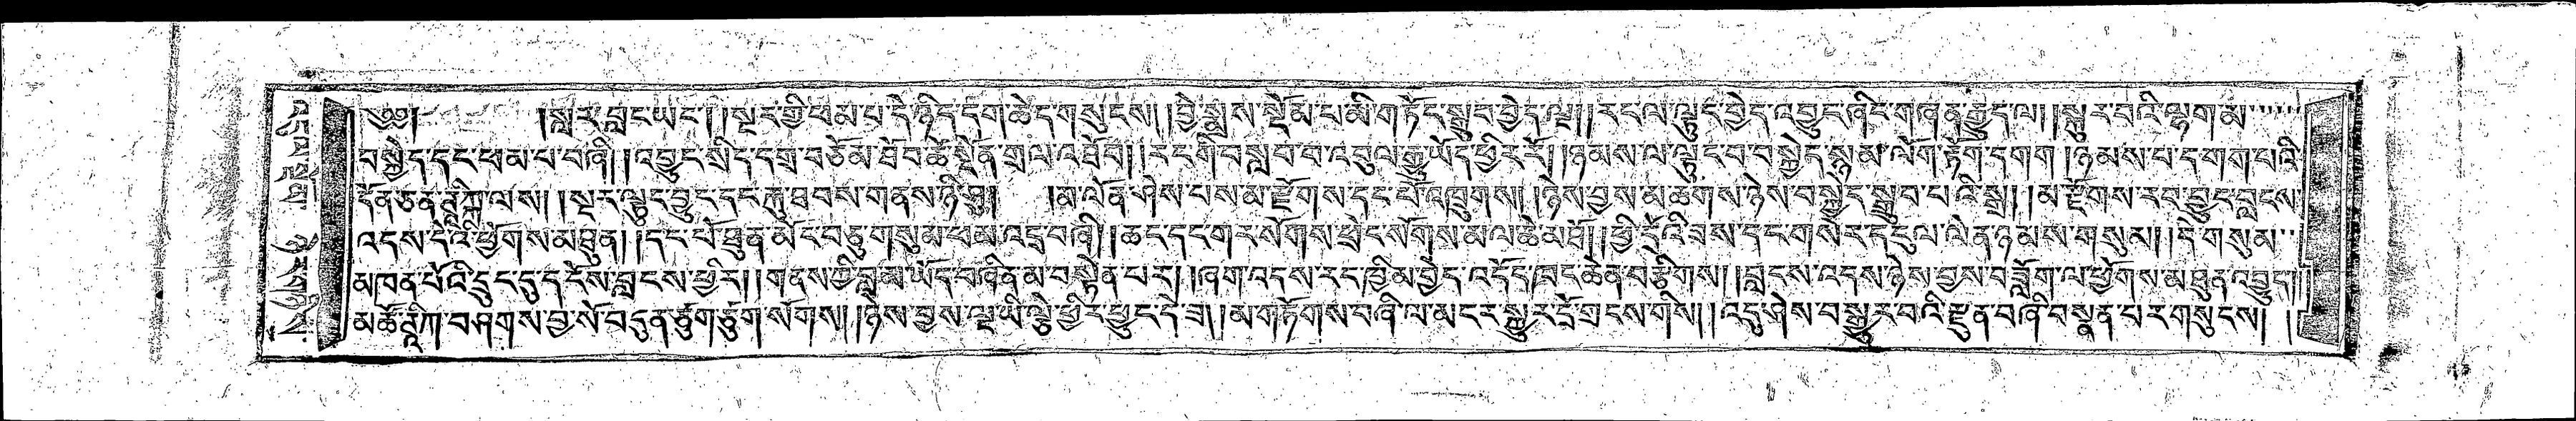༄༅། །སླར་བླང་ཡང་། །སྔར་གྱི་ཕམ་པ་དེ་ཉིད་དག་ཆེད་གསུངས། །བྱེ་སྨྲས་སྡོམ་པ་མི་གཏོང་སྒྲུབ་བྱེད་ལྔ། །རང་ལ་ལྟུང་བྱེད་འབྱུང་ཞིང་གཞན་རྒྱུད་ལ། །སྐུར་བའི་ལྷག་མ་
བསྐྱེད་དང་ཕམ་པ་བཞི། །འབྱུང་སྲིད་དགྲ་བཅོམ་ཐོབ་ཚེ་སྔོན་གྲལ་འཐོབ། །རང་གི་བསླབ་བ་འབུལ་རྒྱུ་ཡོད་ཕྱིར་རོ། །ཉམས་ལ་ལྟུང་བ་བསྐྱེད་སྙམ་ལོག་རྟོག་དགག །ཉམས་པ་དགག་པའི་
དོན་ཅན་ཊཱིཀྐ་ལས། །སྔར་ལྟུང་བྱུང་དང་རྐུ་ཐབས་གནས་ཉི་ཤུ། །མ་ལོན་ཤེས་པས་མ་རྫོགས་དང་པོ་འཁྲུགས། །ཉེས་བྱས་མ་ཆགས་ཉེས་བསྐྱེད་སྒྲུབ་པའི་སྒྲ། །མ་རྫོགས་རབ་བྱུང་བླངས་
འདས་དེའི་ཕྱོགས་མཐུན། །དང་པོ་ཐུན་མོང་བཅུ་གསུམ་ཕམ་འདྲ་བཞི། །ཆང་དང་གར་སོགས་ཕྲེང་སོགས་མལ་ཆེ་མཐོ། །ཕྱི་དྲོའི་ཟས་དང་གསེར་དངུལ་ལེན་ཉམས་གསུམ། །དེ་གསུམ་
མཁན་པོའི་དྲུང་དུ་དངོས་བླངས་ཕྱིར། །གནས་ཀྱི་བླ་མ་ཡོད་བཞིན་མ་བསྟེན་པར། །ཞག་འདས་རང་ཁྱིམ་བྱེད་འདོད་ཁང་ཆེན་བརྩིགས། །བླངས་འདས་ཉེས་བྱས་བཟློག་ལ་ཕྱོགས་མཐུན་འབྱུང།།
མཚོ་ཊཱིཀ་བཤགས་བྱ་སོ་བདུན་ཙུག་ཙུག་སོགས། །ཉེས་བྱས་ལྔ་ཡི་ལྕེ་ཕྱིར་ཕྱུང་དེ་ཟ། །མ་གཏོགས་བཞི་ལ་མངར་སྐྱུར་དྲོ་གྲངས་གིས། །འདུ་ཤེས་བསྒྱུར་བའི་རྫུན་བཞི་བསྣན་པར་གསུངས། །